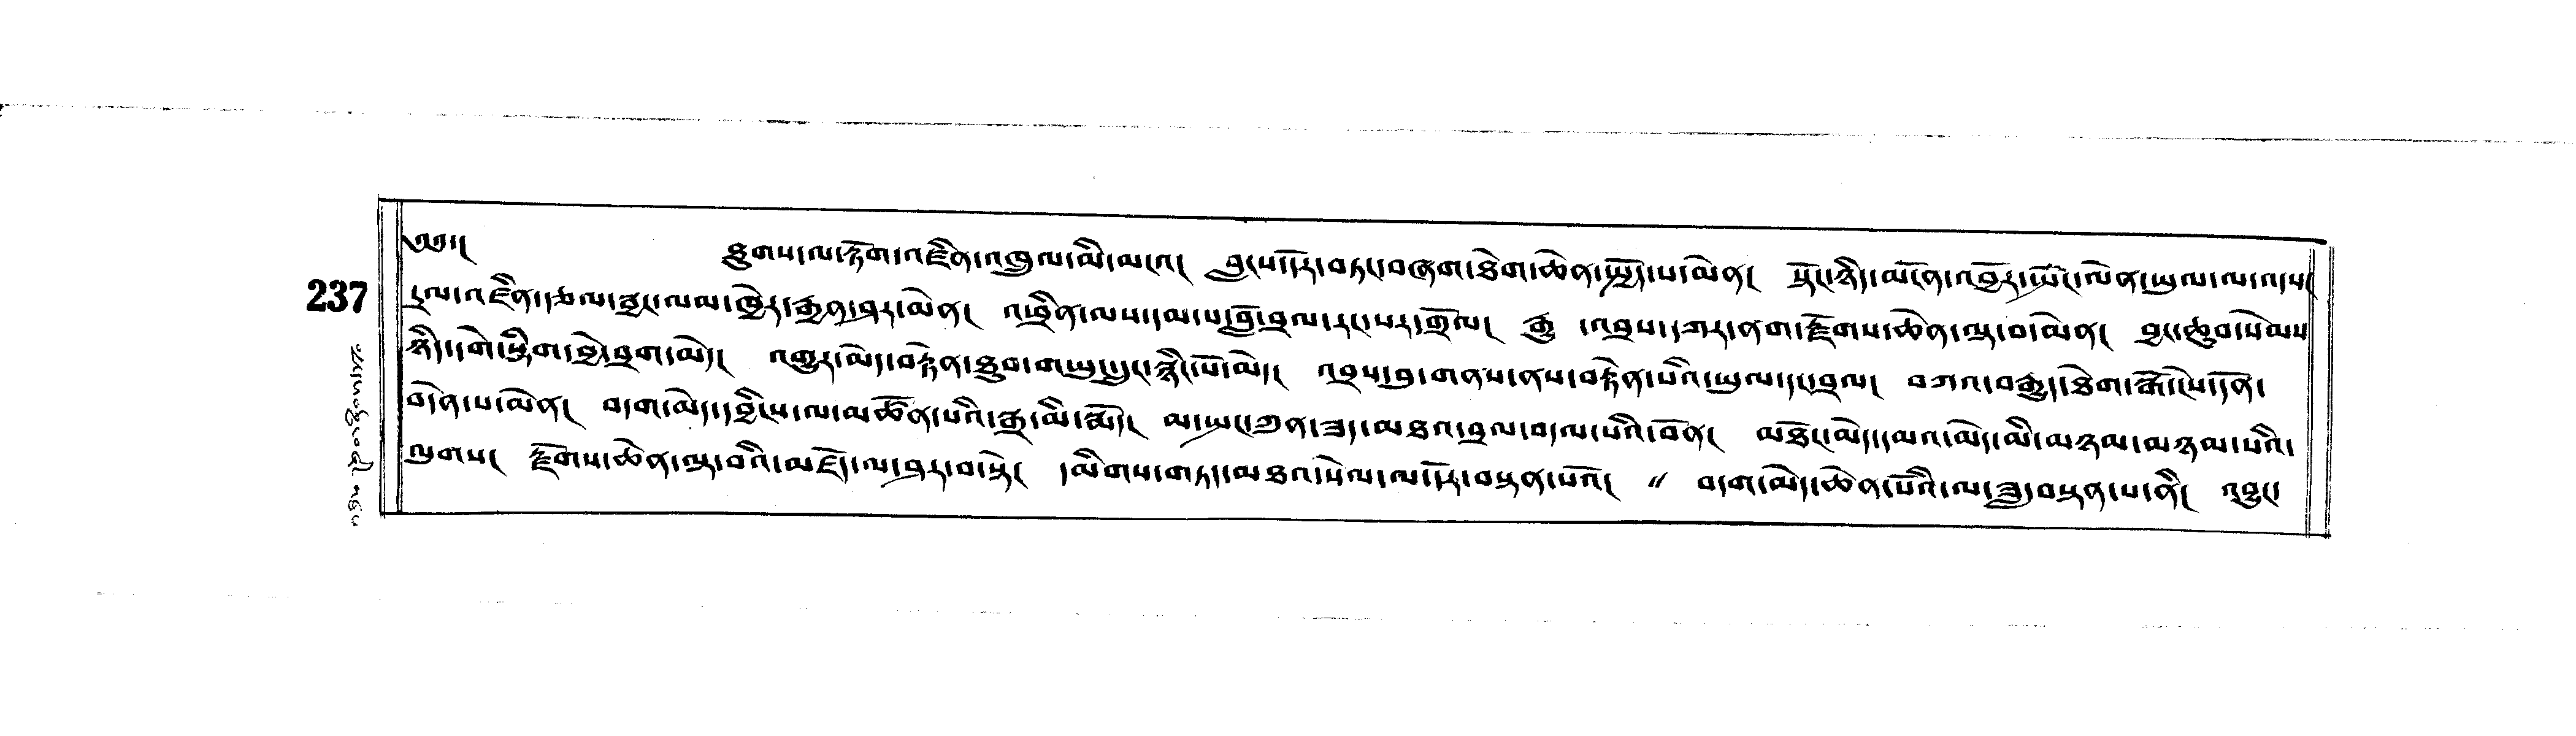ཐུགས་ལ་རྟོག་འཛིན་འཁྲུལ་མི་མངའ། བླང་དོར་བཏང་བཞག་ཐེག་ཆེན་སྤྱོད་པ་མེན། སྟོང་ཉིད་མངོན་འབྱོར་སྤོང་ལེན་ཡུལ་ལས་འདས། 
དྲལ་འཛིན་རྩལ་སྦྱང་ལམ་ཁྱེར་རྒྱན་ཤར་མེན། འཕྲིན་ལས་དམ་པ་བློ་བྲལ་རང་སར་གྲོལ། རྒྱུ་འབྲས་དཀར་ནག་རྫོགས་ཆེན་ལྟ་བ་མེན། 
འགྱུར་མེད་བརྟེན་ཐུབ་གཡུང་དྲུང་སྙིང་པོ་མེད། འབྲས་བུ་གནས་ནས་བརྟེན་པའི་ཡུལ་དང་བྲལ། བཀའ་རྒྱུད་ཐེག་སྒོ་ངེས་དོན་བདེན་
པ་མིན། བདག་མེད་དབྱིངས་ལ་མཚོན་པའི་སྒྲ་མི་སྨོད། མ་སྤངས་ཀུན་ཟད་མཐའ་བྲལ་བདལ་པའི་བོན། མཐོང་མེད་སྨྲ་མེད་མི་མཉམ་མཉམ་པའི་
ལུགས། རྫོགས་ཆེན་ལྟ་བའི་མཛོད་ལ་ཤར་བ་སྟེ། དམིགས་གཏད་མཐའ་སེལ་ལ་དོར་བསྟན་པའོ། ༧ བདག་མེད་ཆེན་པོའི་ལ་བཟླ་བསྟན་པ་ནི། འབྱུང་